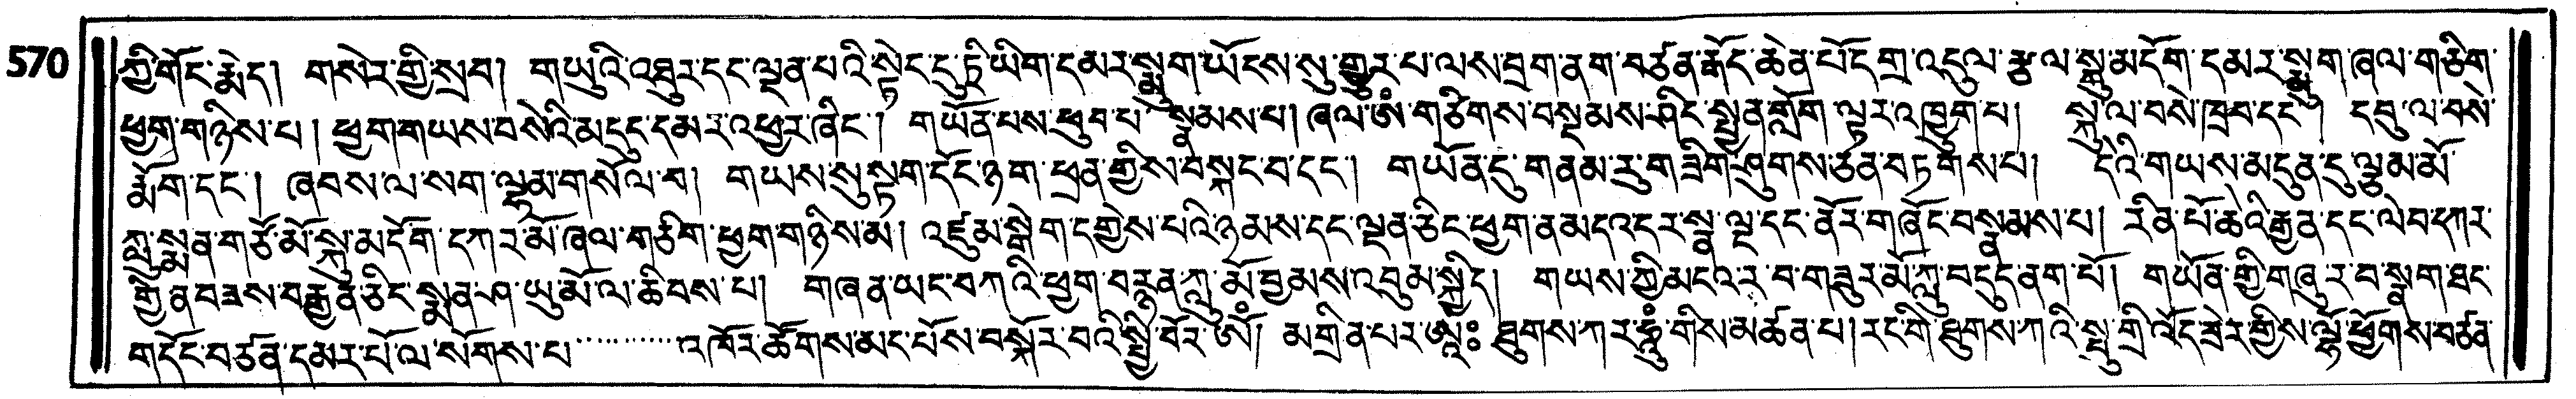ཀྱི་གོང་རྨེད། གསེར་གྱི་སྲབ། གཡུའི་འཐུར་དང་ལྡན་པའི་སྟེང་དུ་ཏྲི་ཡིག་དམར་སྨུག་ཡོངས་སུ་གྱུར་པ་ལས་བྲག་ནག་བཙན་རྒོང་ཆེན་པོ་དགྲ་འདུལ་རྩལ་སྐུ་མདོག་དམར་སྨུག་ཞལ་གཅིག་
ཕྱག་གཉིས་པ། ཕྱག་གཡས་བསེའི་མདུང་དམར་འཕྱར་ཞིང་། གཡོན་པས་ཕུབ་པ་སྣམས་པ། ཞལ་ཨཾ་གཙིགས་བསྔམས་ཤིང་གློག་ལྟར་འཁྱུག་པ། སྐུ་ལ་བསེ་ཁྲབ་དང་། དབུ་ལ་བསེ་
རྨོག་དང་། ཞབས་ལ་སག་ལྷམ་གསོལ་བ། གཡས་སུ་སྟག་དོང་ཉག་ཕྲན་གྱིས་བསྐང་བ་དང་། གཡོན་དུ་གནམ་རུ་གཟིག་ཤུགས་ཅན་བཏགས་པ། དེའི་གཡས་མདུན་དུ་ལྕམ་མོ་
ཀླུ་སྨན་གཙོ་མོ་སྐུ་མདོག་དཀར་མོ་ཞལ་གཅིག་ཕྱག་གཉིས་མ། འཛུམ་སྒེག་དགྱེས་པའི་ཉམས་དང་ལྡན་ཅིང་ཕྱག་ན་མདའ་དར་སྣ་ང་དང་ནོར་གཞོང་བསྣམས་པ། རིན་པོ་ཆེའི་རྒྱན་དང་ལེབ་དཀར་
གྱི་ན་བཟས་བརྒྱན་ཅིང་སྨན་ཤ་ཡུ་མོ་ལ་ཆིབས་པ། གཞན་ཡང་བཀའི་ཕྱག་བརྙན་ཀླུ་མོ་བྱམས་འབུམ་སྐྱིད། གཡས་ཀྱི་མངའ་ར་བ་གཟུར་མོ་ཀླུ་བདུད་ནག་པོ། གཡོན་གྱི་གཞུ་རུ་བ་སྣག་ཐང་
གདོང་བཙན་དམར་པོ་ལ་སོགས་པ་་་འཁོར་ཚོགས་མང་པོས་བསྐོར་བའི་སྤྱི་བོར་ཨོཾ། མགྲིན་པར་ཨཱཿ ཐུགས་ཀར་ཧཱུཾ་གིས་མཚན་པ། རང་གི་ཐུགས་ཀའི་སྤུ་གྲི་འོད་ཟེར་གྱིས་ལྷོ་ཕྱོགས་བཙན་